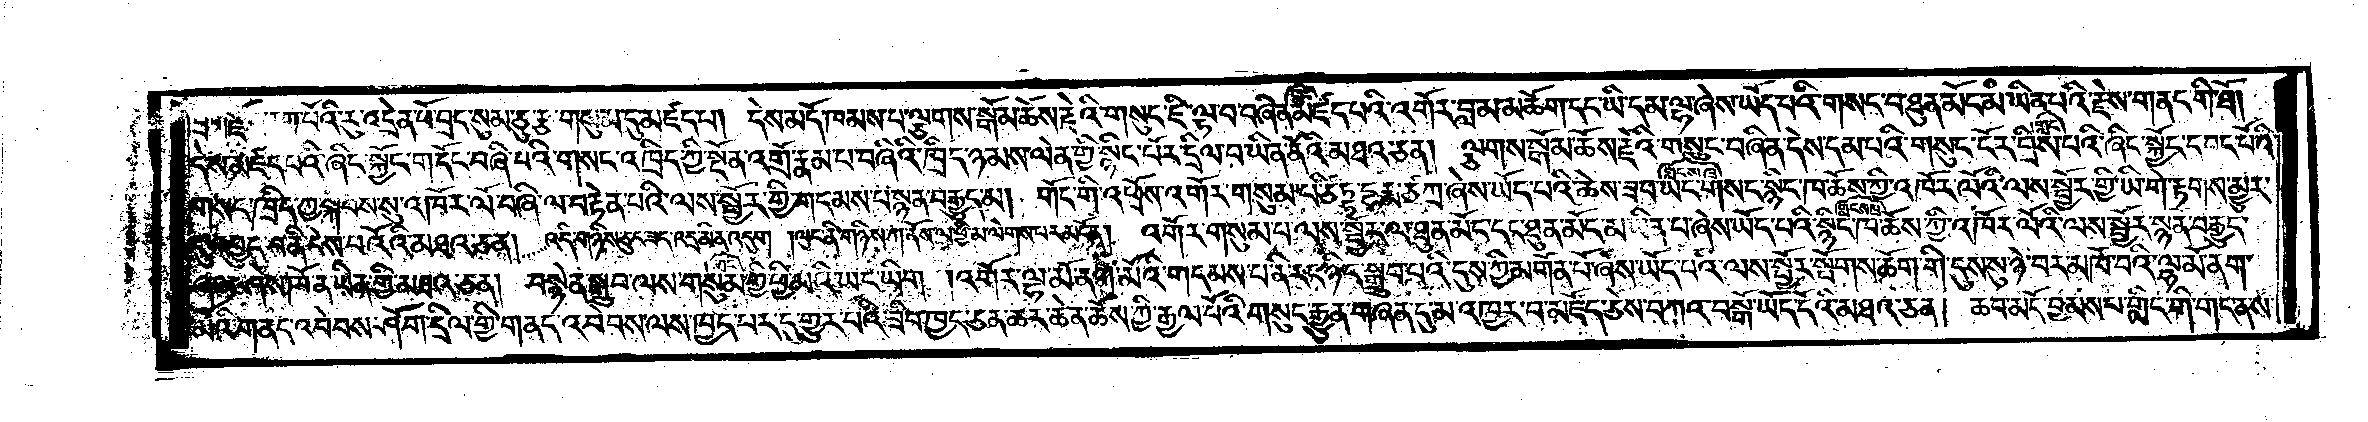བྲག་རྫོང་ནག་པོའི་རུ་འདྲེན་པོ་བྲང་སུམ་ཅུ་རྩ་གསུམ་དུ་མཛད་པ། དེས་མདོ་ཁམས་པ་ལྕགས་སྒོམ་ཆོས་རྗེའི་གསུང་ཇི་ལྟ་བ་བཞིན་མཛད་པའི་འགོར་བླ་མ་མཆོག་དང་ཡི་དམ་ལྷ་ཞེས་ཡོད་པའི་གསང་བ་ཐུན་མོང་མཾ་ཡིན་པའི་རྗེས་གནང་གི་ཐོ།
དེས་མཛད་པའི་ཞིང་སྐྱོང་གདོང་བཞི་པའི་གསང་འཁྲིད་ཀྱི་སྔོན་འགྲོ་རྣམ་པ་བཞིའི་ཁྲིད་ཉམས་ལེན་གྱི་སྙིང་པོར་དྲིལ་བ་ཡིན་ནོའི་མཐའ་ཅན། ལྕགས་སྒོམ་ཆོས་རྗེའི་གསུང་བཞིན་དེས་དམ་པའི་གསུང་ངོར་བྲིས་པའི་ཞིང་སྐྱོང་དབང་པོའི་
གསང་ཁྲིད་ཀྱི་སྐབས་སུ་འཁོར་ལོ་བཞི་ལ་བརྟེན་པའི་ལས་སྦྱོར་གྱི་གདམས་བསྙན་བརྒྱུད་མ། གོང་གི་འཕྲོས་འགོར་གསུམ་པ་ཙིཏྟ་དྷརྨ་ཙ་ཀྲ་ཞེས་ཡོད་པའི་ཆོས་བྲ་བ་ཡང་གསང་སྙིང་ཁ་ཆོས་ཀྱི་འཁོར་ལོའི་ལས་སྦྱོར་གྱི་ཡི་གེ་རྟགས་མྱུར་
དུ་འབྱུང་བ་ནི་ངེས་པའོའི་མཐའ་ཅན། འདི་གཉིས་ཅུང་ཟད་འདྲ་མིན་འདུག །ལུང་ནི་གཉིས་ཀ་ནོས་ལ་ཕྱི་མ་ལེགས་པར་མངོན།  འགོར་གསུམ་པ་ལས་སྦྱོར་ལ་ཐུན་མོང་དང་ཐུན་མོང་མ་ཡིན་པ་ཞེས་ཡོད་པའི་སྙིང་ཁ་ཆོས་ཀྱི་འཁོར་ལོའི་ལས་སྦྱོར་སྙན་བརྒྱུད་
ཞལ་ཤེས་ཁོ་ན་ཡིན་གྱི་མཐའ་ཅན། བསྙེན་སྒྲུབ་ལས་གསུམ་གྱི་ཕྱི་མའི་ཡང་ཡིག །འགོར་ལྷ་མོ་ནག་མོའི་གདམས་པ་ནི་རང་ཉིད་སྒྲུབ་པའི་དུས་ཀྱི་མགོན་པོ་ཞེས་ཡོད་པའི་ལས་སྦྱོར་སྤོགས་ཆོག་གི་དུས་སུ་ཉེ་བར་མཁོ་བའི་ལྷ་མོ་ནག་
མོའི་གནད་འབེབས་ཤོག་དྲིལ་གྱི་གནད་འབེབས་ལས་ཁྱད་པར་དུ་གྱུར་པའི་ཟིབ་ཁྱད་ཅན་ཆར་ཆེན་ཆོས་ཀྱི་རྒྱལ་པོའི་གསུང་རྒྱུན་གཞན་དུ་མ་འཁྱར་བ་མཛོད་ཅེས་བཀའ་བསྒོ་ཡོད་དོའི་མཐའ་ཅན། ཆབ་མདོ་བྱམས་པ་གླིང་གི་གང་ནས་